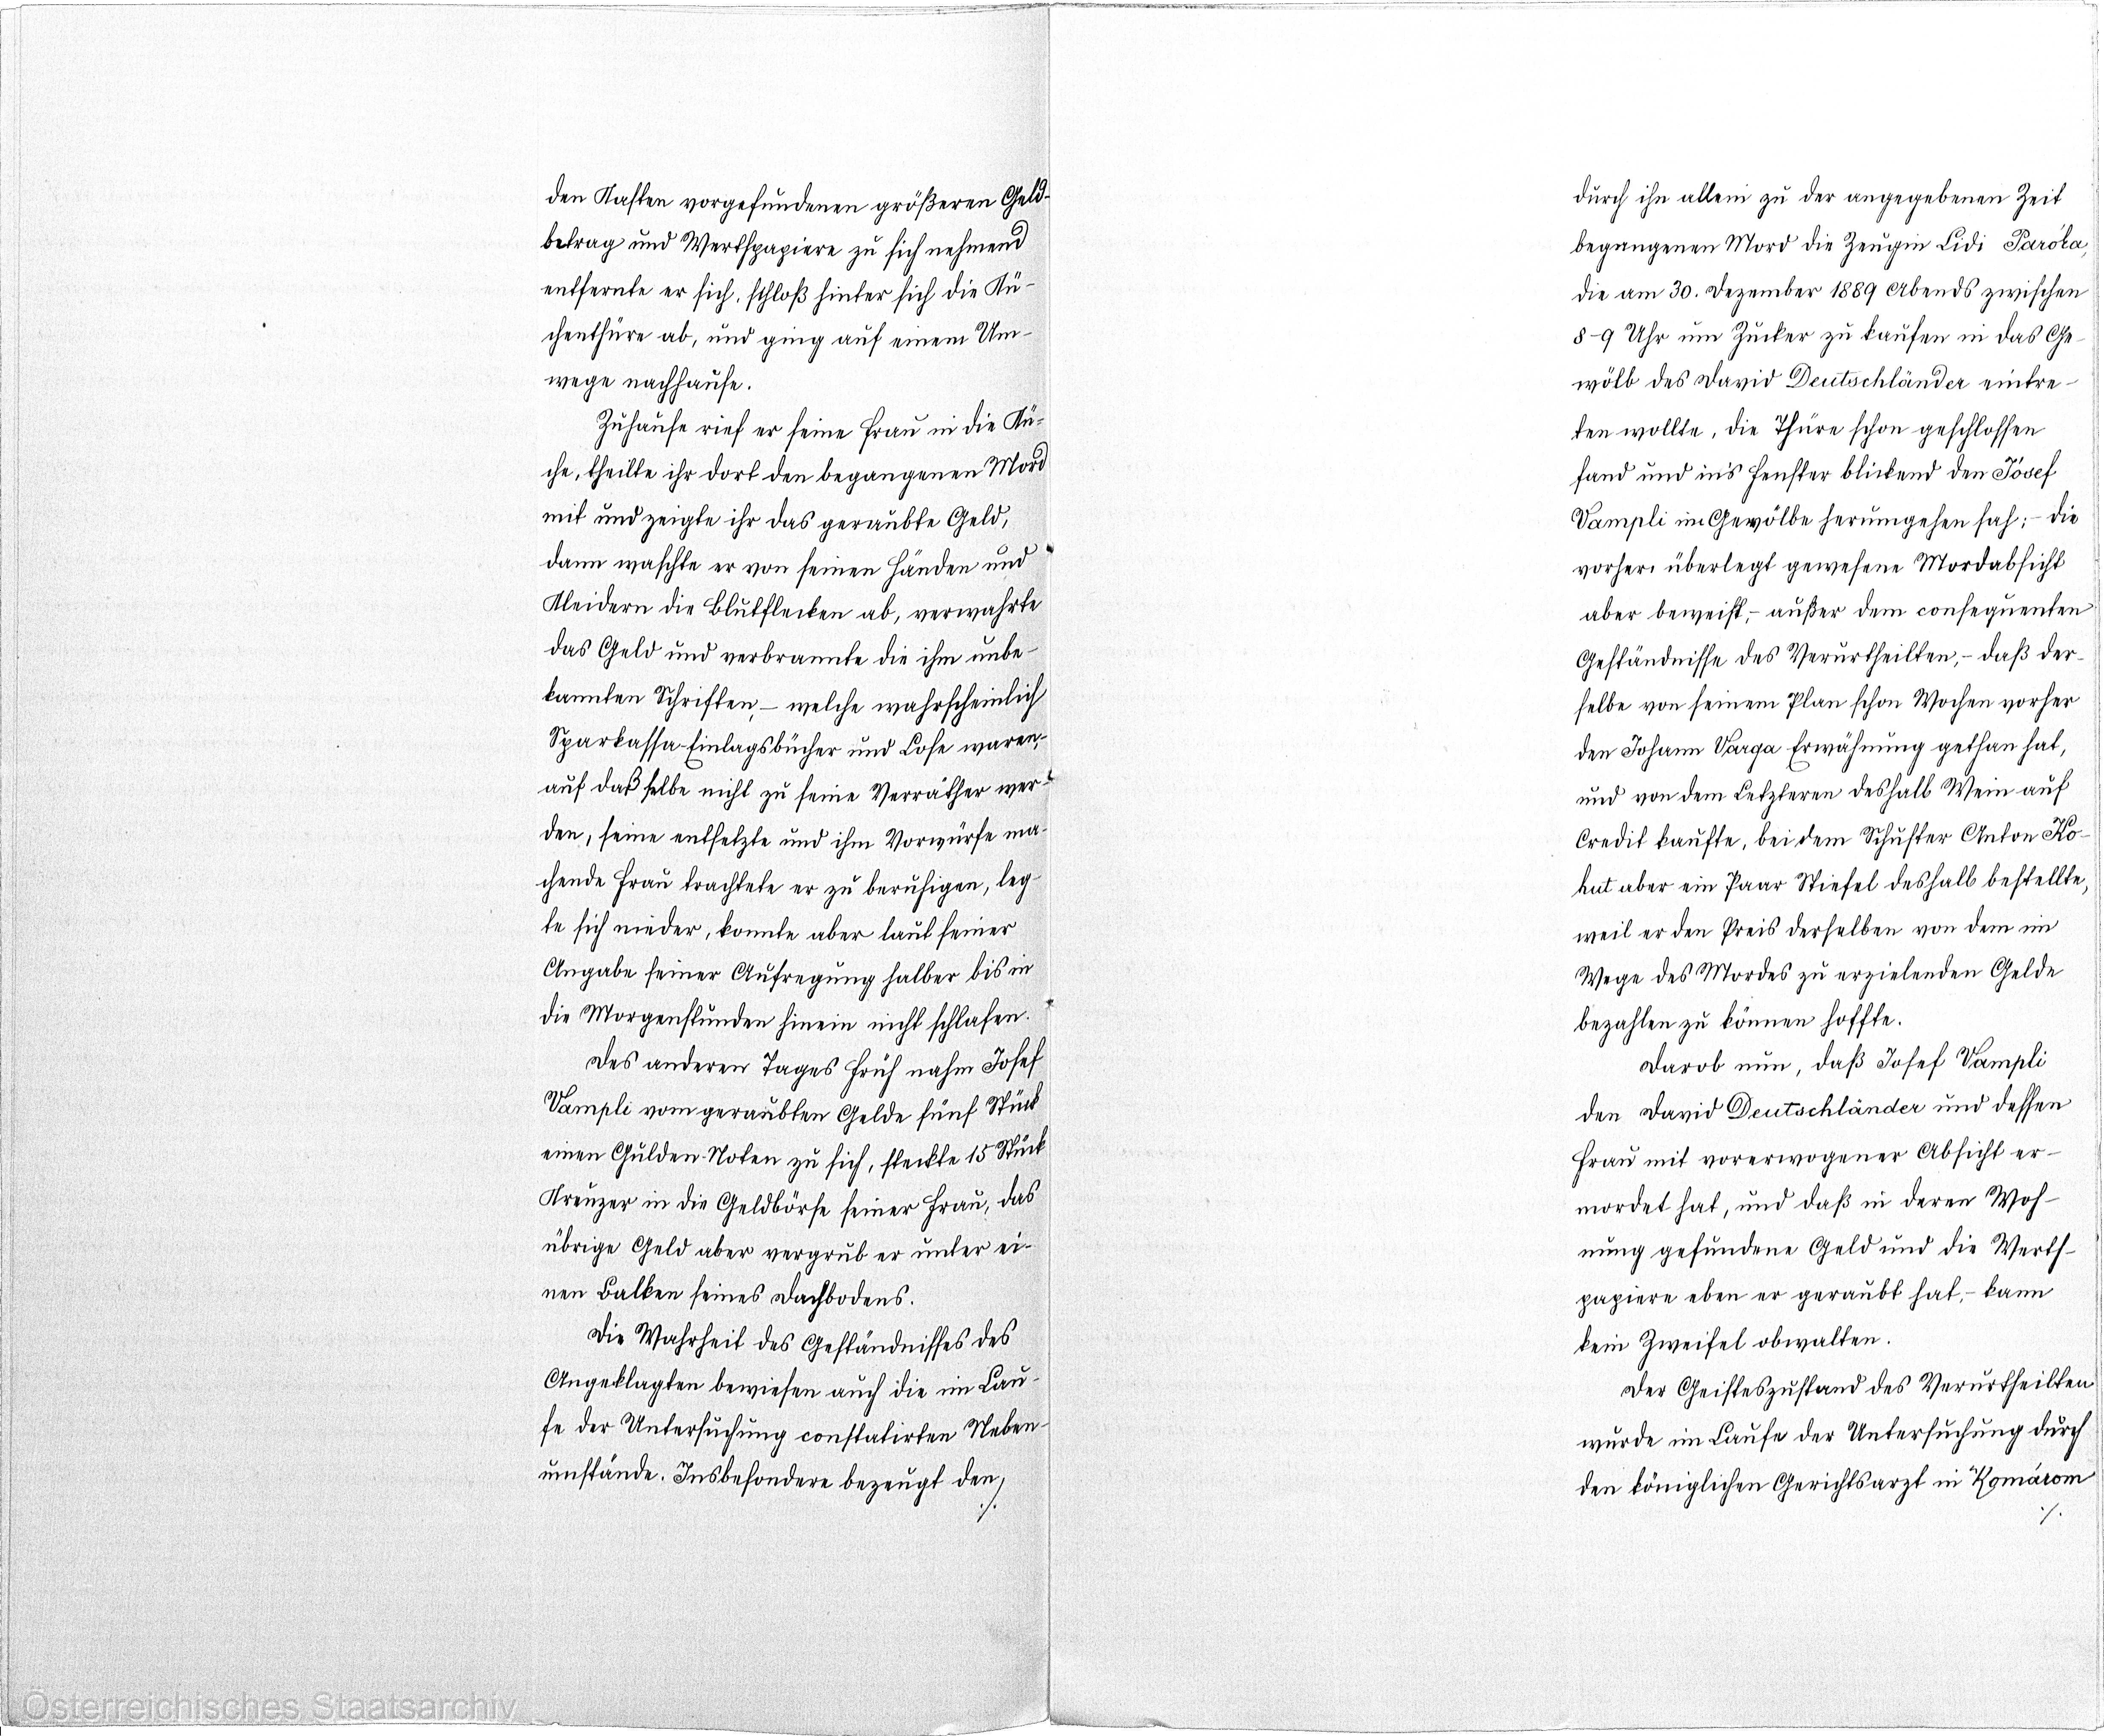Kasten vorgefundenen größeren Geld¬
betrag und Werthpapiere zu sich nehmend
entfernte er sich, schloß hinter sich die Kü¬
stenthüre ab, und ging auf einem Um¬
wege nachhause.
Zuhause rief er seine Frau in die Kü¬
che, theilte ihr dort den begangenen Mord
mit und zeigte ihr das geraubte Geld,
dann waschte er von seinen Händen und
Kleidern die Blutflecken ab, verwahrte
das Geld und verbrannte die ihm unbe¬
kannten Schriften, – welche wahrscheinlich
Sparkassa-Einlagsbücher und Lose waren, –
auf daß selbe nicht zu seine Verräther wer¬
den, seine entsetzte und ihm Vorwürfe ma¬
chende Frau trachtete er zu beruhigen, leg¬
te sich nieder, konnte aber laut seiner
Angabe seiner Aufregung halber bis in
die Morgenstunden hinein nicht schlafen.
Das anderer Tages früh nahm Josef
Vampli vom geraubten Gelde fünf Stück
einen Gulden-Noten zu sich, steckte 15 Stück
Kreuzer in die Geldbörse seiner Frau, das
übrige Geld aber vergrub er unter ei¬
nen Balken seines Dachbodens.
Die Mehrheit des Geständnisses des
Angeklagten bewiesen auch die im Lau¬
fe der Untersuchung constatirten Neben¬
umstände, Insbesondere bezeugt den
durch ihn allem zu der angegebenen Zeit
begangenen Mord die Zeugen Lidi Paróka,
die am 30. Dezember 1889 Abends zwischen
8-9 Uhr um Zucker zu kaufen in das Ge¬
wölb des David Deutschländer eintre¬
ten wollte, die Thüre schon geschlossen
fand und ins Fenster blickend den Jósef
Vampli im Gewölbe herumgehen sah; – die
vorher überlegt gewesene Mordabsicht
aber beweist, – außer dem consequenten
Geständnisse des Verurtheilten, – daß der¬
selbe von seinem Plan schon Wochen vorher
den Johann Varga Erwähnung gethan hat,
und von dem Letzteren deshalb Wein auf
Credit kaufte, bei dem Schuster Anton Ko¬
hut aber ein Paar Stiefel deshalb bestellte,
weil er den Preis derselben von dem im
Wege des Mordes zu erzielenden Gelde
bezahlen zu können hoffte.
Darob nun, daß Josef Vampli
den David Deutschländer und dessen
Frau mit vorerwogener Absicht er¬
mordet hat, und daß in deren Who¬
nung gefundene Geld und die Werth¬
papiere eben er geraubt hat, – kann
kein Zweifel obwalten.
Der Geisteszustand des Verurtheilten
wurde im Laufe der Untersuchung durch
den königlichen Gerichtshof in Komárom